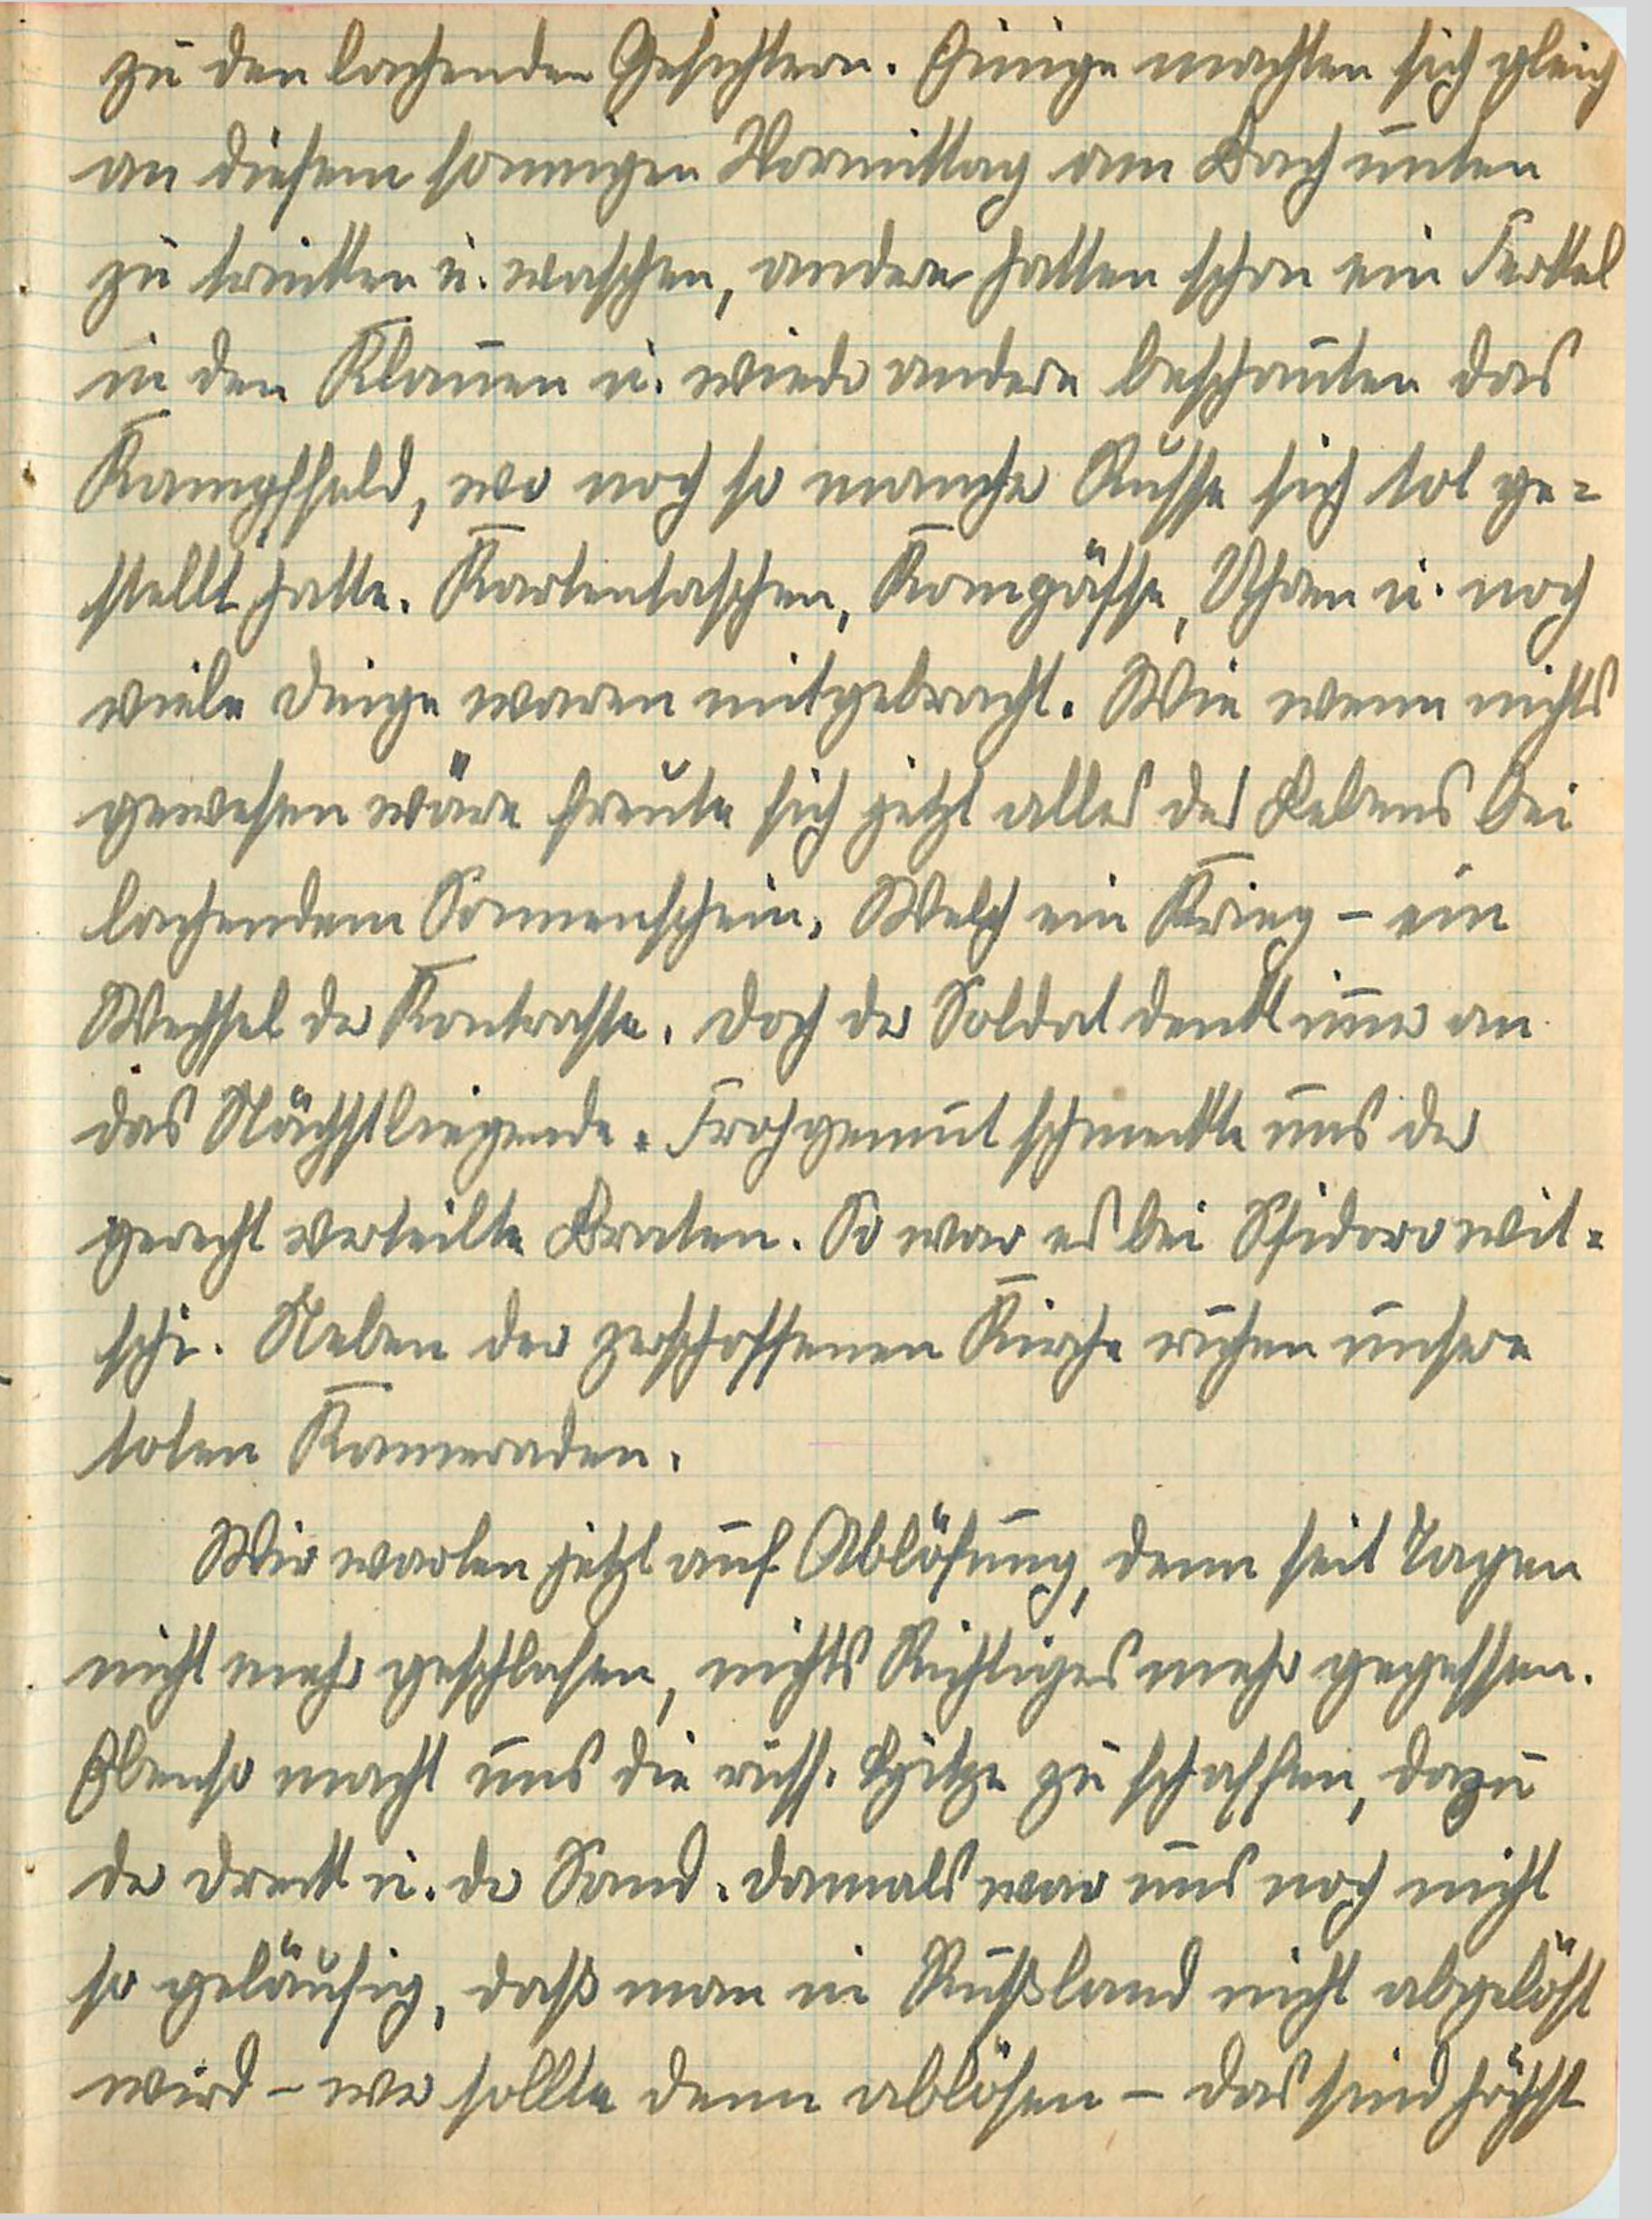zu den lachenden Gesichtern. Einige machten sich gleich
an diesem sonnigen Vormittag am Bach unten
zu trinken u. waschen, andere hatten schon ein Ferkel
in den Klauen u. wieder andere beschauten das
Kampffeld, wo noch so mancher Russe sich tot ge-
stellt hatte. Kartentaschen, Kompässe, Uhren u. noch
viele Dinge waren mitgebracht. Wie wenn nichts
gewesen wäre freute sich jetzt alles des Lebens bei
lachendem Sonnenschein. Welch ein Krieg – ein
Wechsel der Kontraste. Doch der Soldat denkt immer an
das Nächstliegende. Frohgemut schmeckte uns der
gerecht verteilte Braten. So war es bei Sfidorowit-
schi. Neben der zerschossenen Kirche ruhen unsere
toten Kameraden.
Wir warten jetzt auf Ablösung, denn seit Tagen
nicht mehr geschlafen, nichts Richtiges mehr gegessen.
Ebenso macht uns die russ. Hitze zu schaffen, dazu
der Dreck u. der Sand. Damals war uns noch nicht
so geläufig, daß man in Rußland nicht abgelöst
wird – wer sollte denn ablösen – das sind höchst